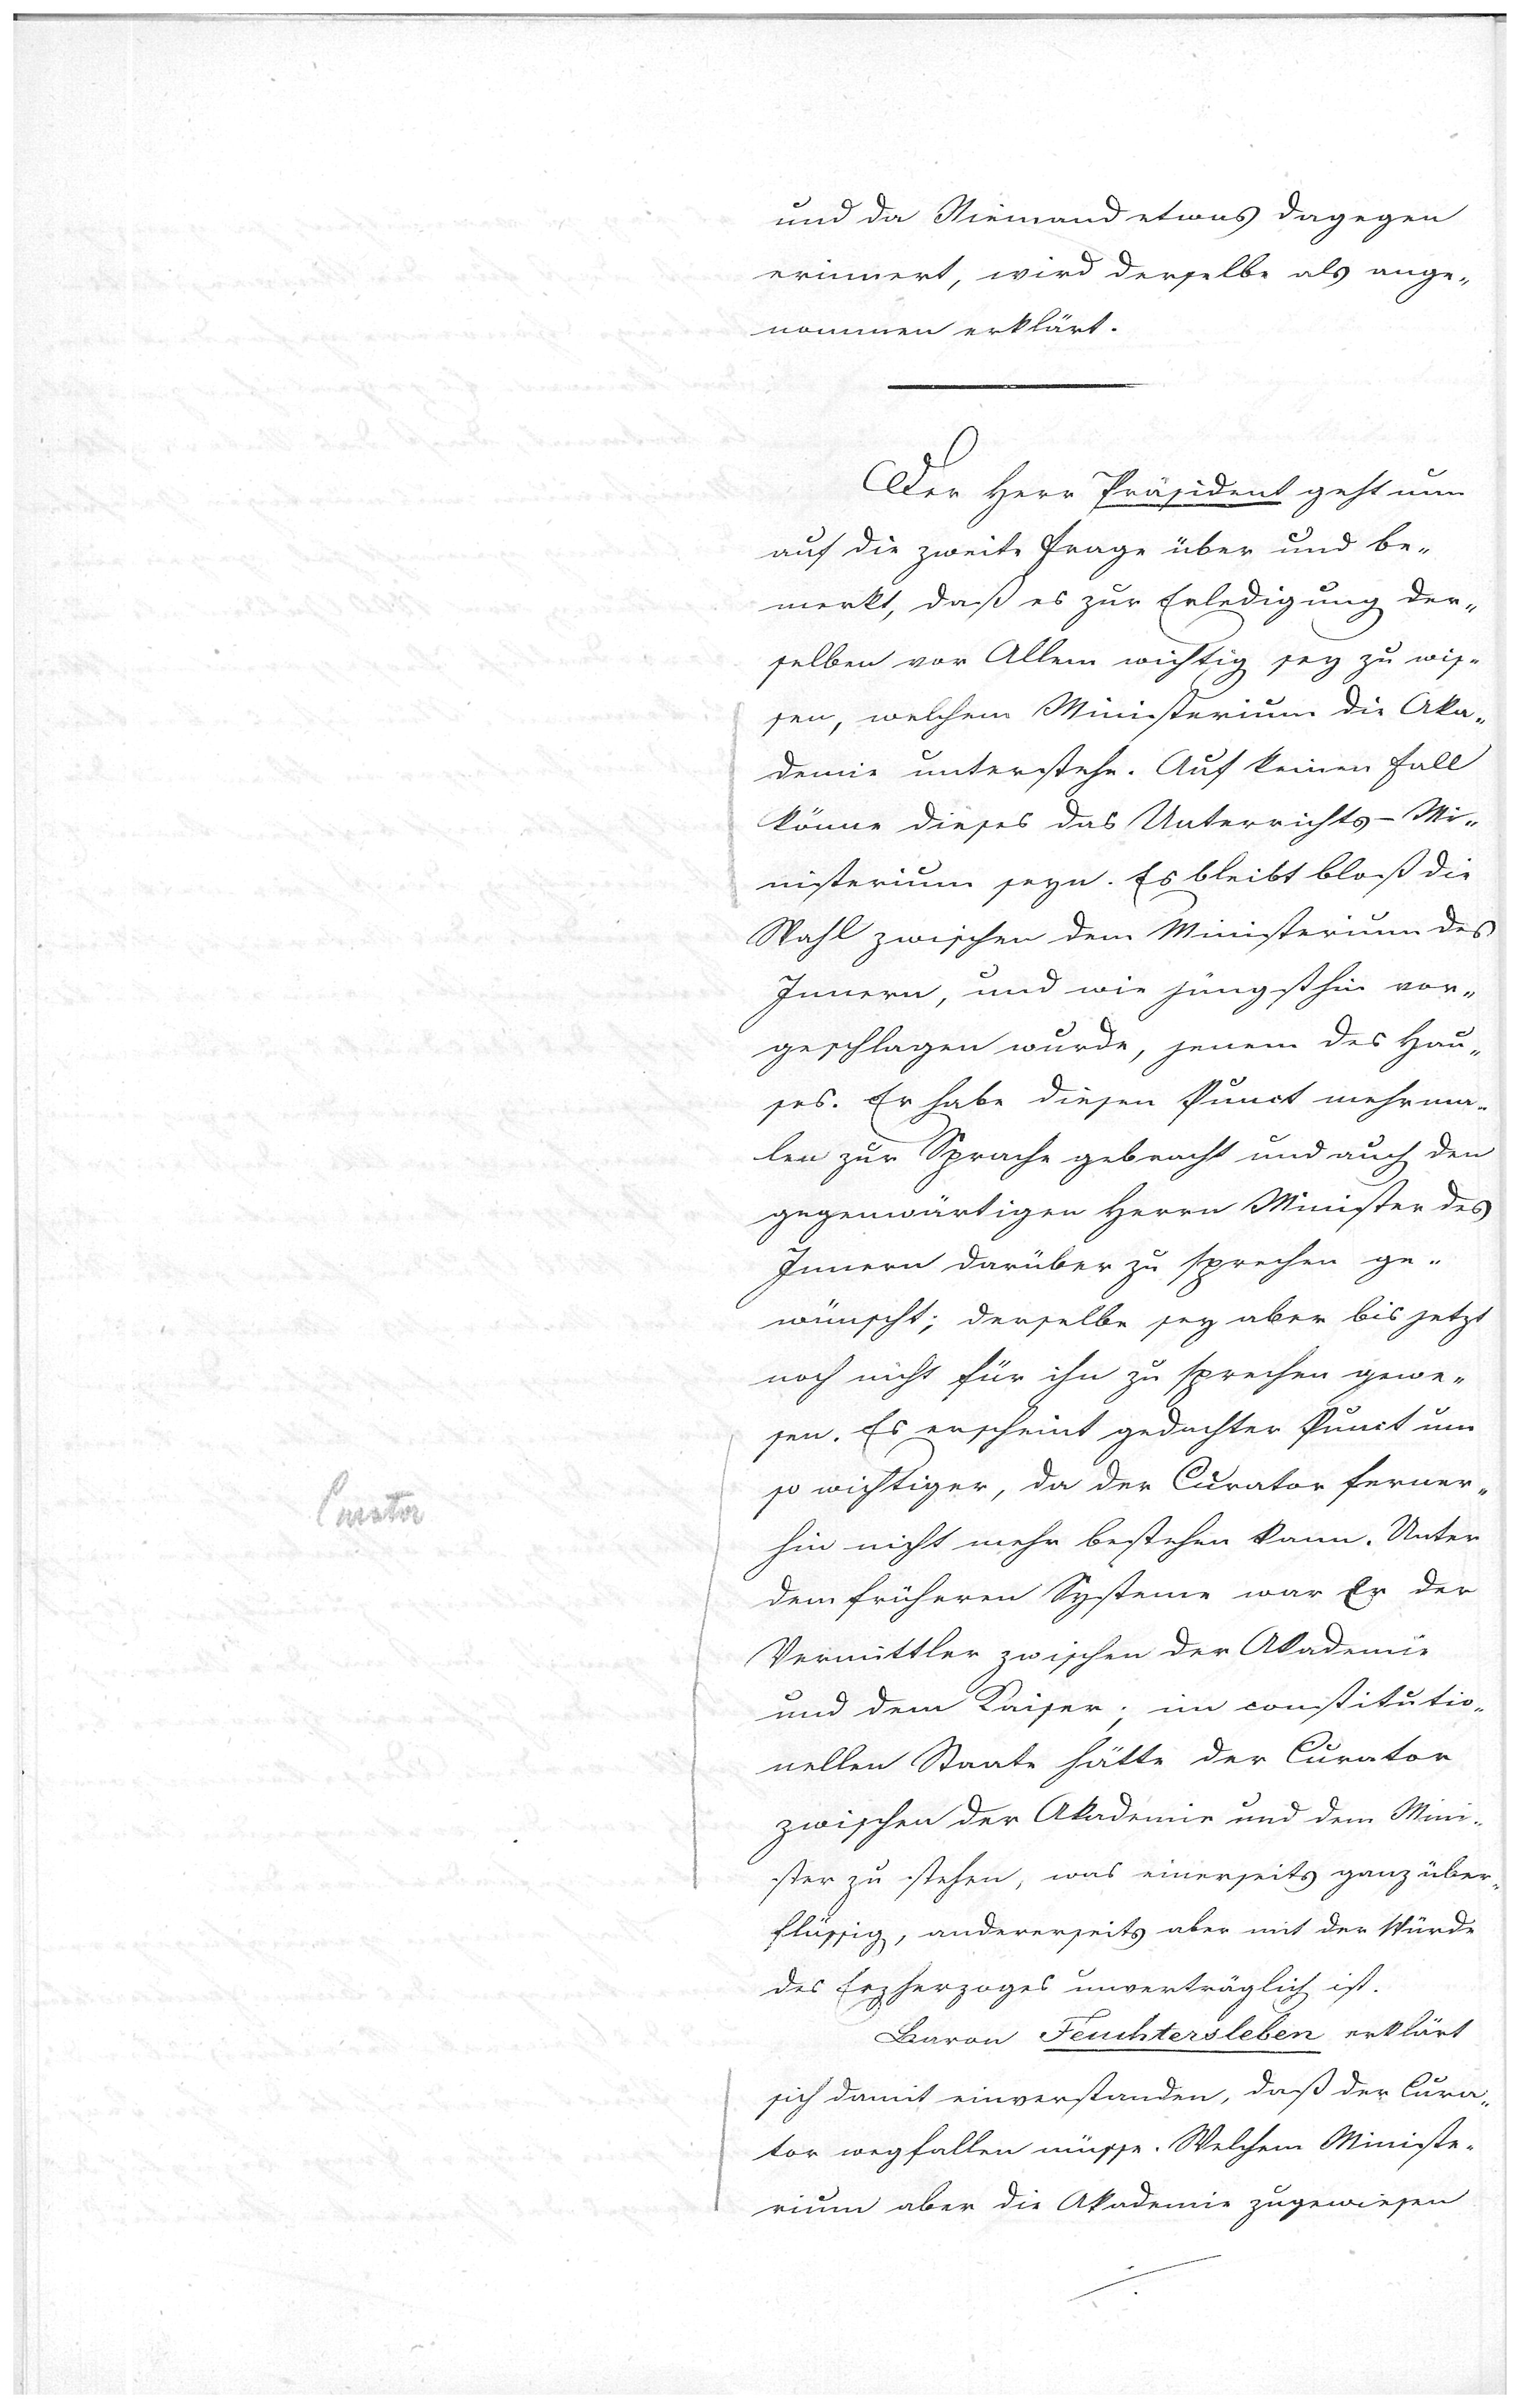und da Niemand etwas dagegen
erinnert, wird derselbe als ange-
nommen erklärt.
Der Herr Präsident geht nun
auf die zweite Frage über und be-
merkt, daß es zur Erledigung der-
selben vor Allem wichtig sey zu wis-
sen, welchem Ministerium der Aka-
demie unterstehe. Auf keinen Fall
könne dieses das Unterrichts-Mi-
nisterium seyn. Es bleibt bloß die
Wahl zwischen dem Ministerium des
Innern, und wie jüngsthin vor-
geschlagen wurde, jenem des Hau-
ses. Er habe diesen Puncte mehrma-
len zur Sprache gebracht und auch den
gegenwärtigen Herrn Minister des
Innern darüber zu sprechen ge-
wünscht; derselbe sey aber bis jetzt
noch nicht für ihn zu sprechen gewe-
sen. Es erscheint gedachter Punct um
so wichtiger, da der Curator ferner-
hin nicht mehr bestehen kann. Unter
dem früheren System war Er der
Vermittler zwischen der Akademie
und dem Kaiser, im constitutio-
nellen Staate hätte der Curator
zwischen der Akademie und dem Mini-
ter zu stehen, was einerseits ganz über-
flüssig, andererseits aber mit der Würde
des Erzherzoges unverträglich ist.
Baron Feuchtersleben erklärt
sich damit einverstanden, daß der Cura-
vor wegfallen müsse. Welchem Ministe-
rium aber die Akademie zugewiesen